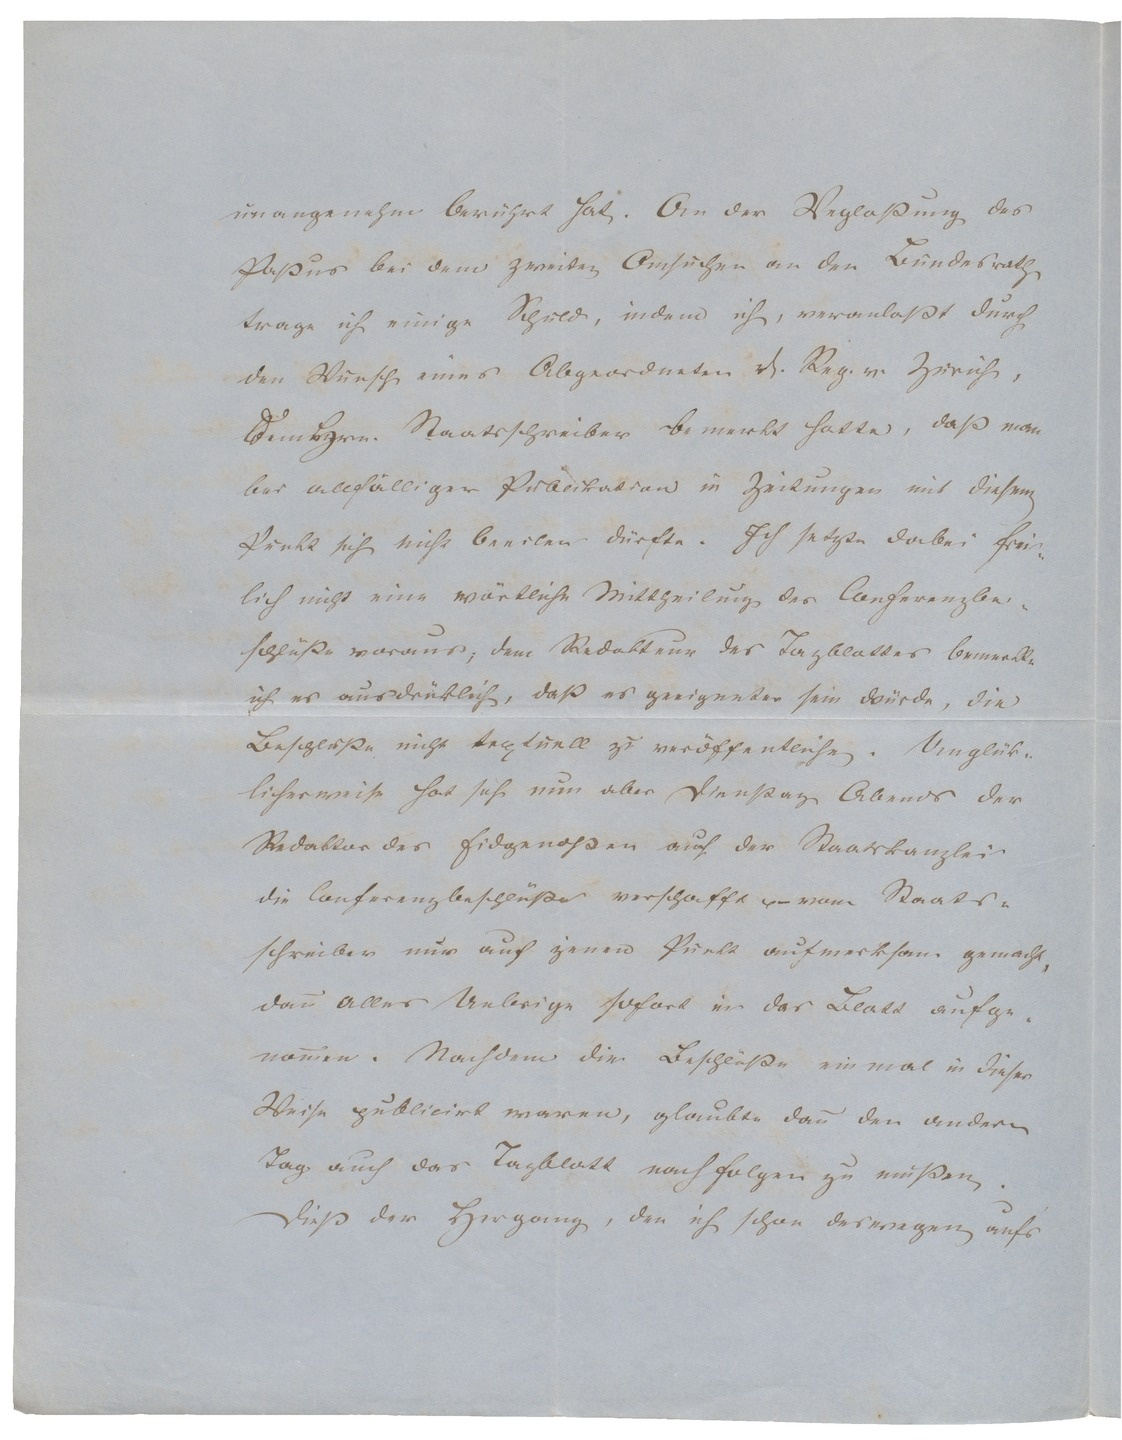unangenehm berührt hat. An der Weglaßung des
Paßus bei dem zweiten Ansuchen an den Bundesrath
trage ich einige Schuld, indem ich, veranlaßt durch
den Wunsch eines Abgeordneten d. Reg. v. Zürich,
dem Hrn. Staatsschreiber bemerkt hatte, daß man
bei allfälliger Publikation in Zeitungen mit diesem
Punkt sich nicht beeilen dürfte. Ich setzte dabei frei-
lich nicht eine wörtliche Mittheilung der Conferenzbe-
schlüße voraus; dem Redakteur des Tagblattes bemerkte
ich es ausdrüklich, daß es geeigneter sein würde, die
Beschlüße nicht textuell zu veröffentlichen. Unglük-
licherweise hat sich nun aber Dienstag Abends der
Redaktor des Eidgenoßen auf der Staatskanzlei
die Conferenzbeschlüße verschafft &– vom Staats-
schreiber nur auf jenen Punkt aufmerksam gemacht,
dann alles Uebrige sofort in das Blatt aufge-
nommen. Nachdem die Beschlüße einmal in dieser
Weise publicirt waren, glaubte dann den andern
Tag auch das Tagblatt nachfolgen zu müßen.
Dieß der Hergang, den ich schon deswegen auf's